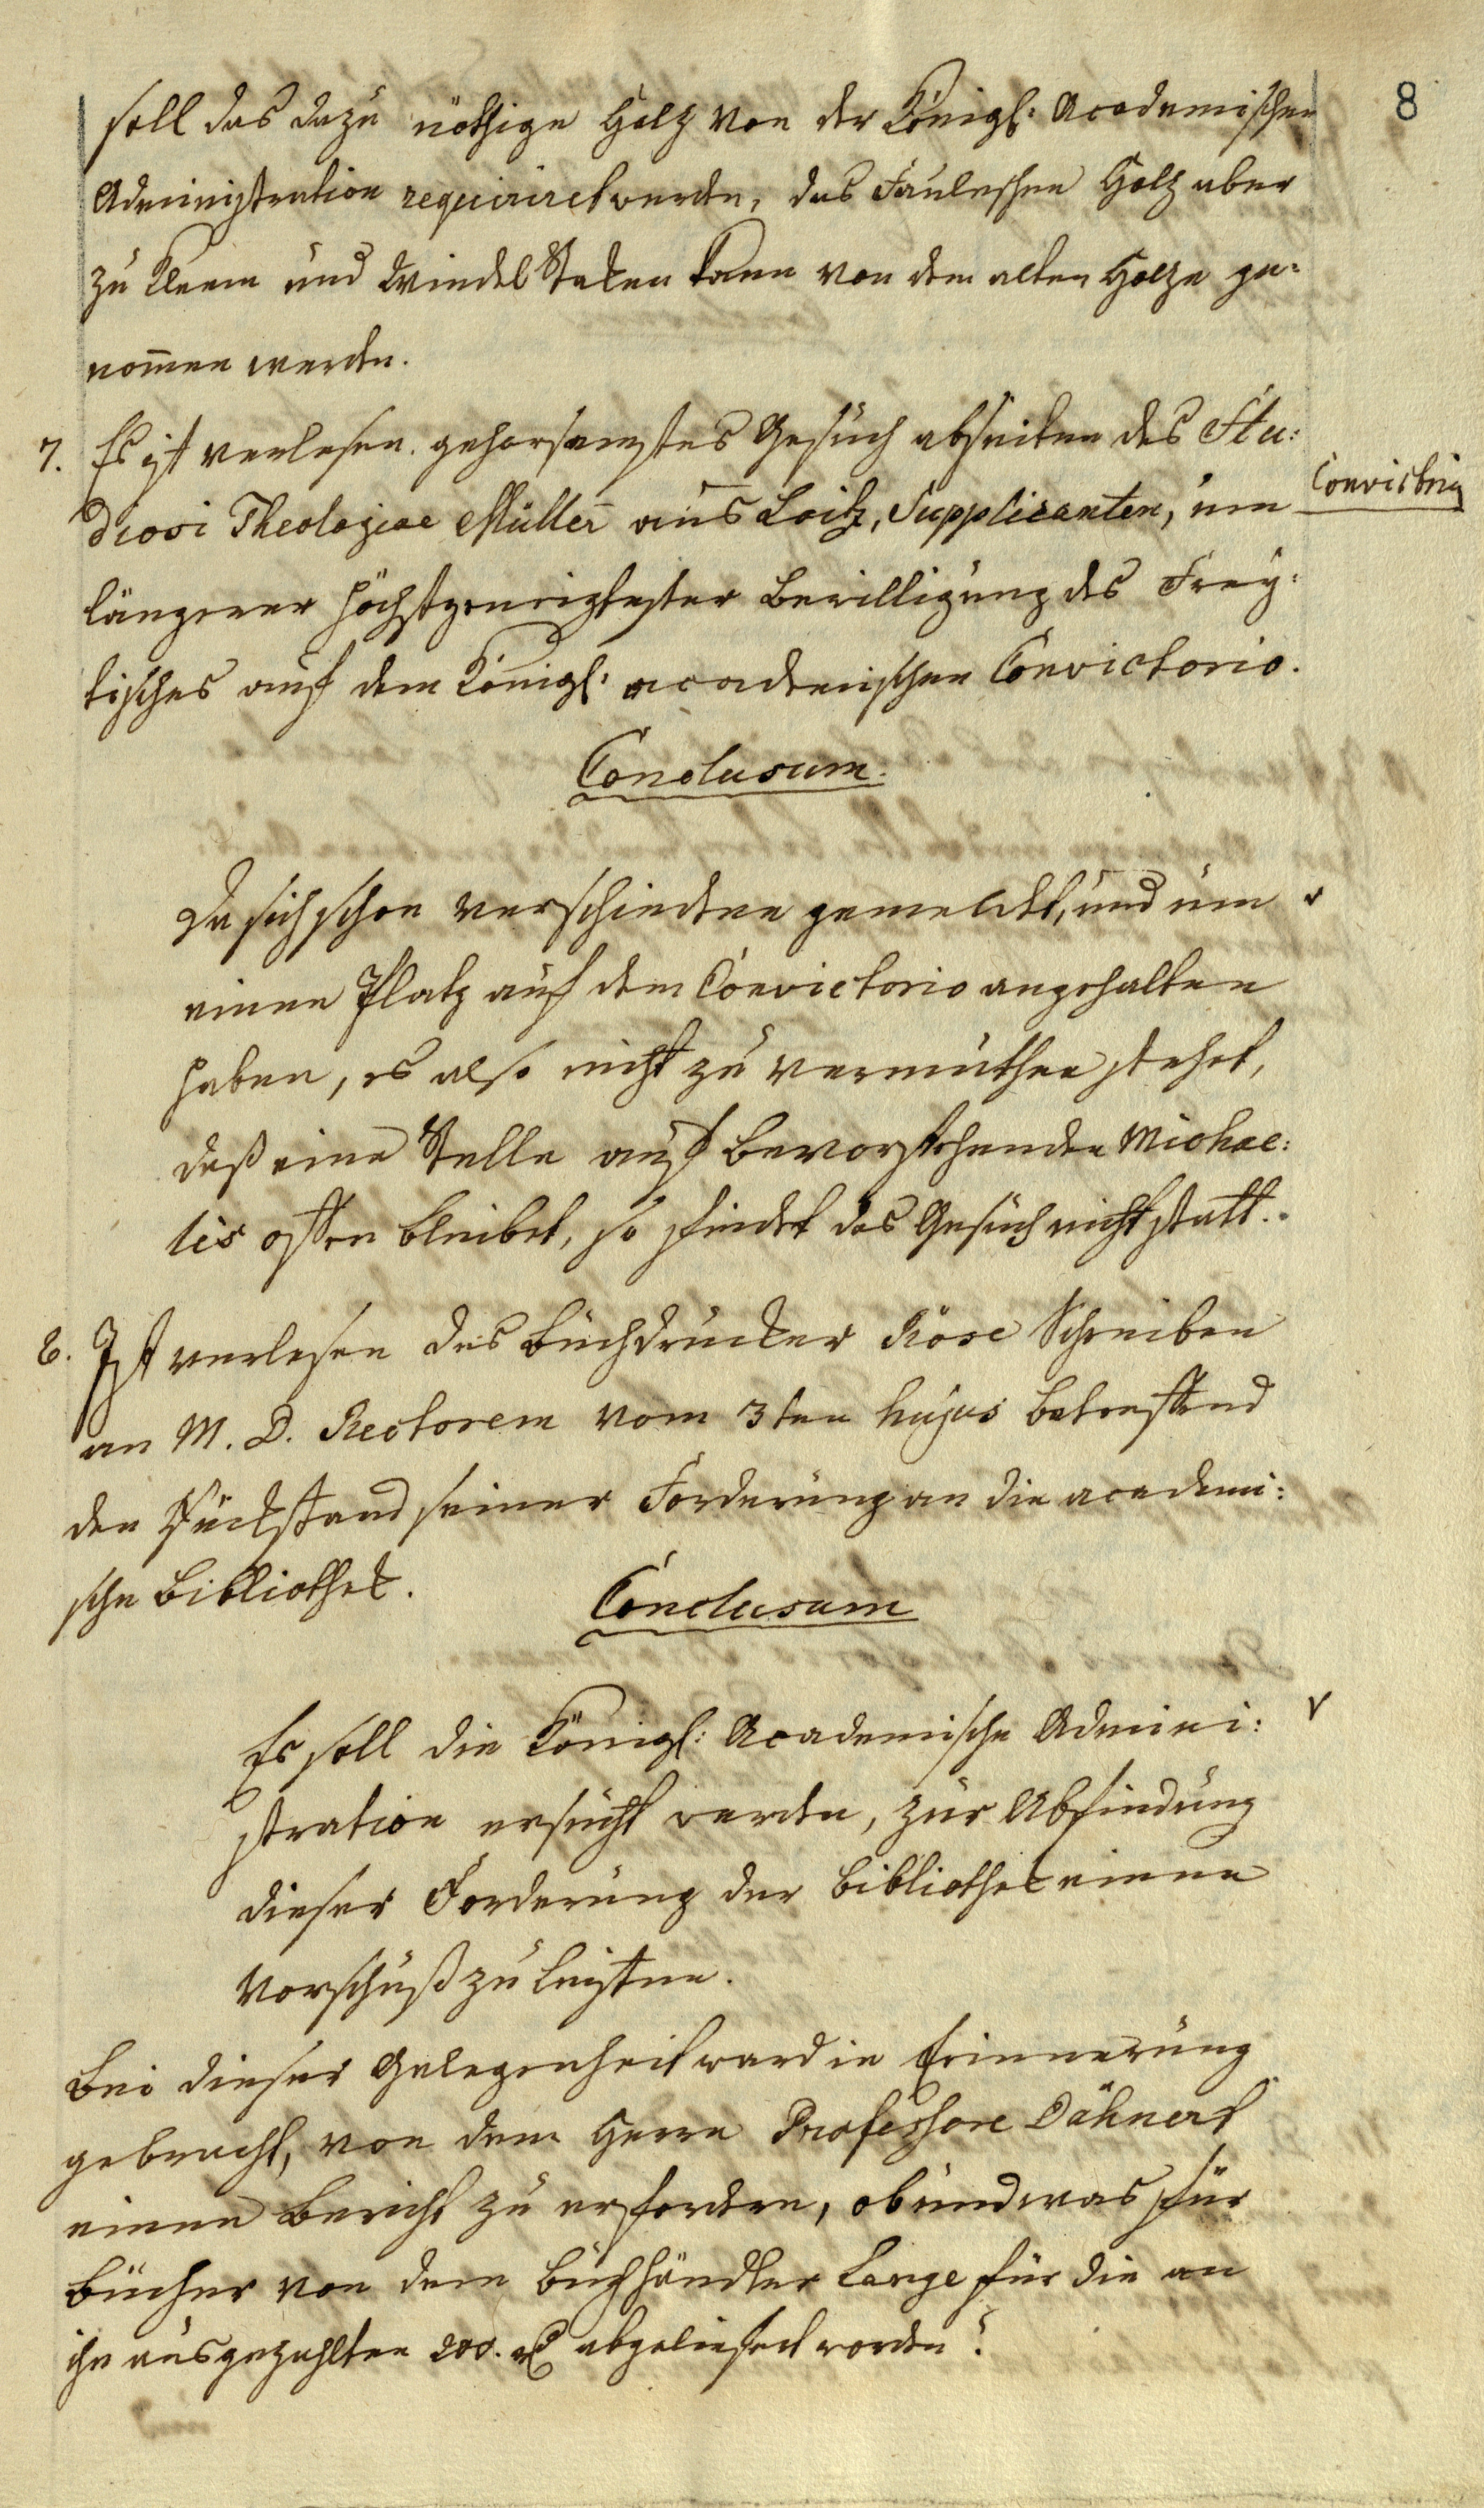soll das dazu nöthige Holz von der Königl. Akademischen
Administration requiriret werden, das Fauleschen Holz aber
zu Kleine und Windel Staken kann von dem alten Holze ge¬
nomen werden.
7. Es ist verlesen gehorsamstes Gesuch abseiten des Stu¬
diosi Theologiae Müller aus Loitz, Supplicanten, um Convictrum
längerer höchstgeneigtester Bewilligung des Freÿ¬
tisches auf dem Königl. academischen Convictorio.
Conclusum
da sich schon verschiedene gemeldet, und um
einen Platz auf dem Convictorio angehalten
haben, es also nicht zu vermuthen stehet,
daß eine Stelle auf bevorstehenden Michae¬
lis offen bleibet, so findet das Gesuch nicht statt.
8. Ist verlesen des Buchdrucker Röse Schreiben
an M. D. Rectorem vom 3 ten hujus betreffend
den Rückstand seiner Forderung an die academi¬
sche Bibliothek.
Conclusum
Es soll die Königl. Academische Admini¬
stration ersucht werden, zur Abfindung
dieser Forderung der Bibliothek einen
Vorschuß zu leisten.
Bei dieser Gelegenheit ward in Erinnerung
gebracht, von dem Herrn Porfessore Dähnert
einen Bericht zu erfordern, ob und was für
Bücher von dem Buchhändler Lange für die an
ihn ausgezahlten 200 r. abgeleistet worden!